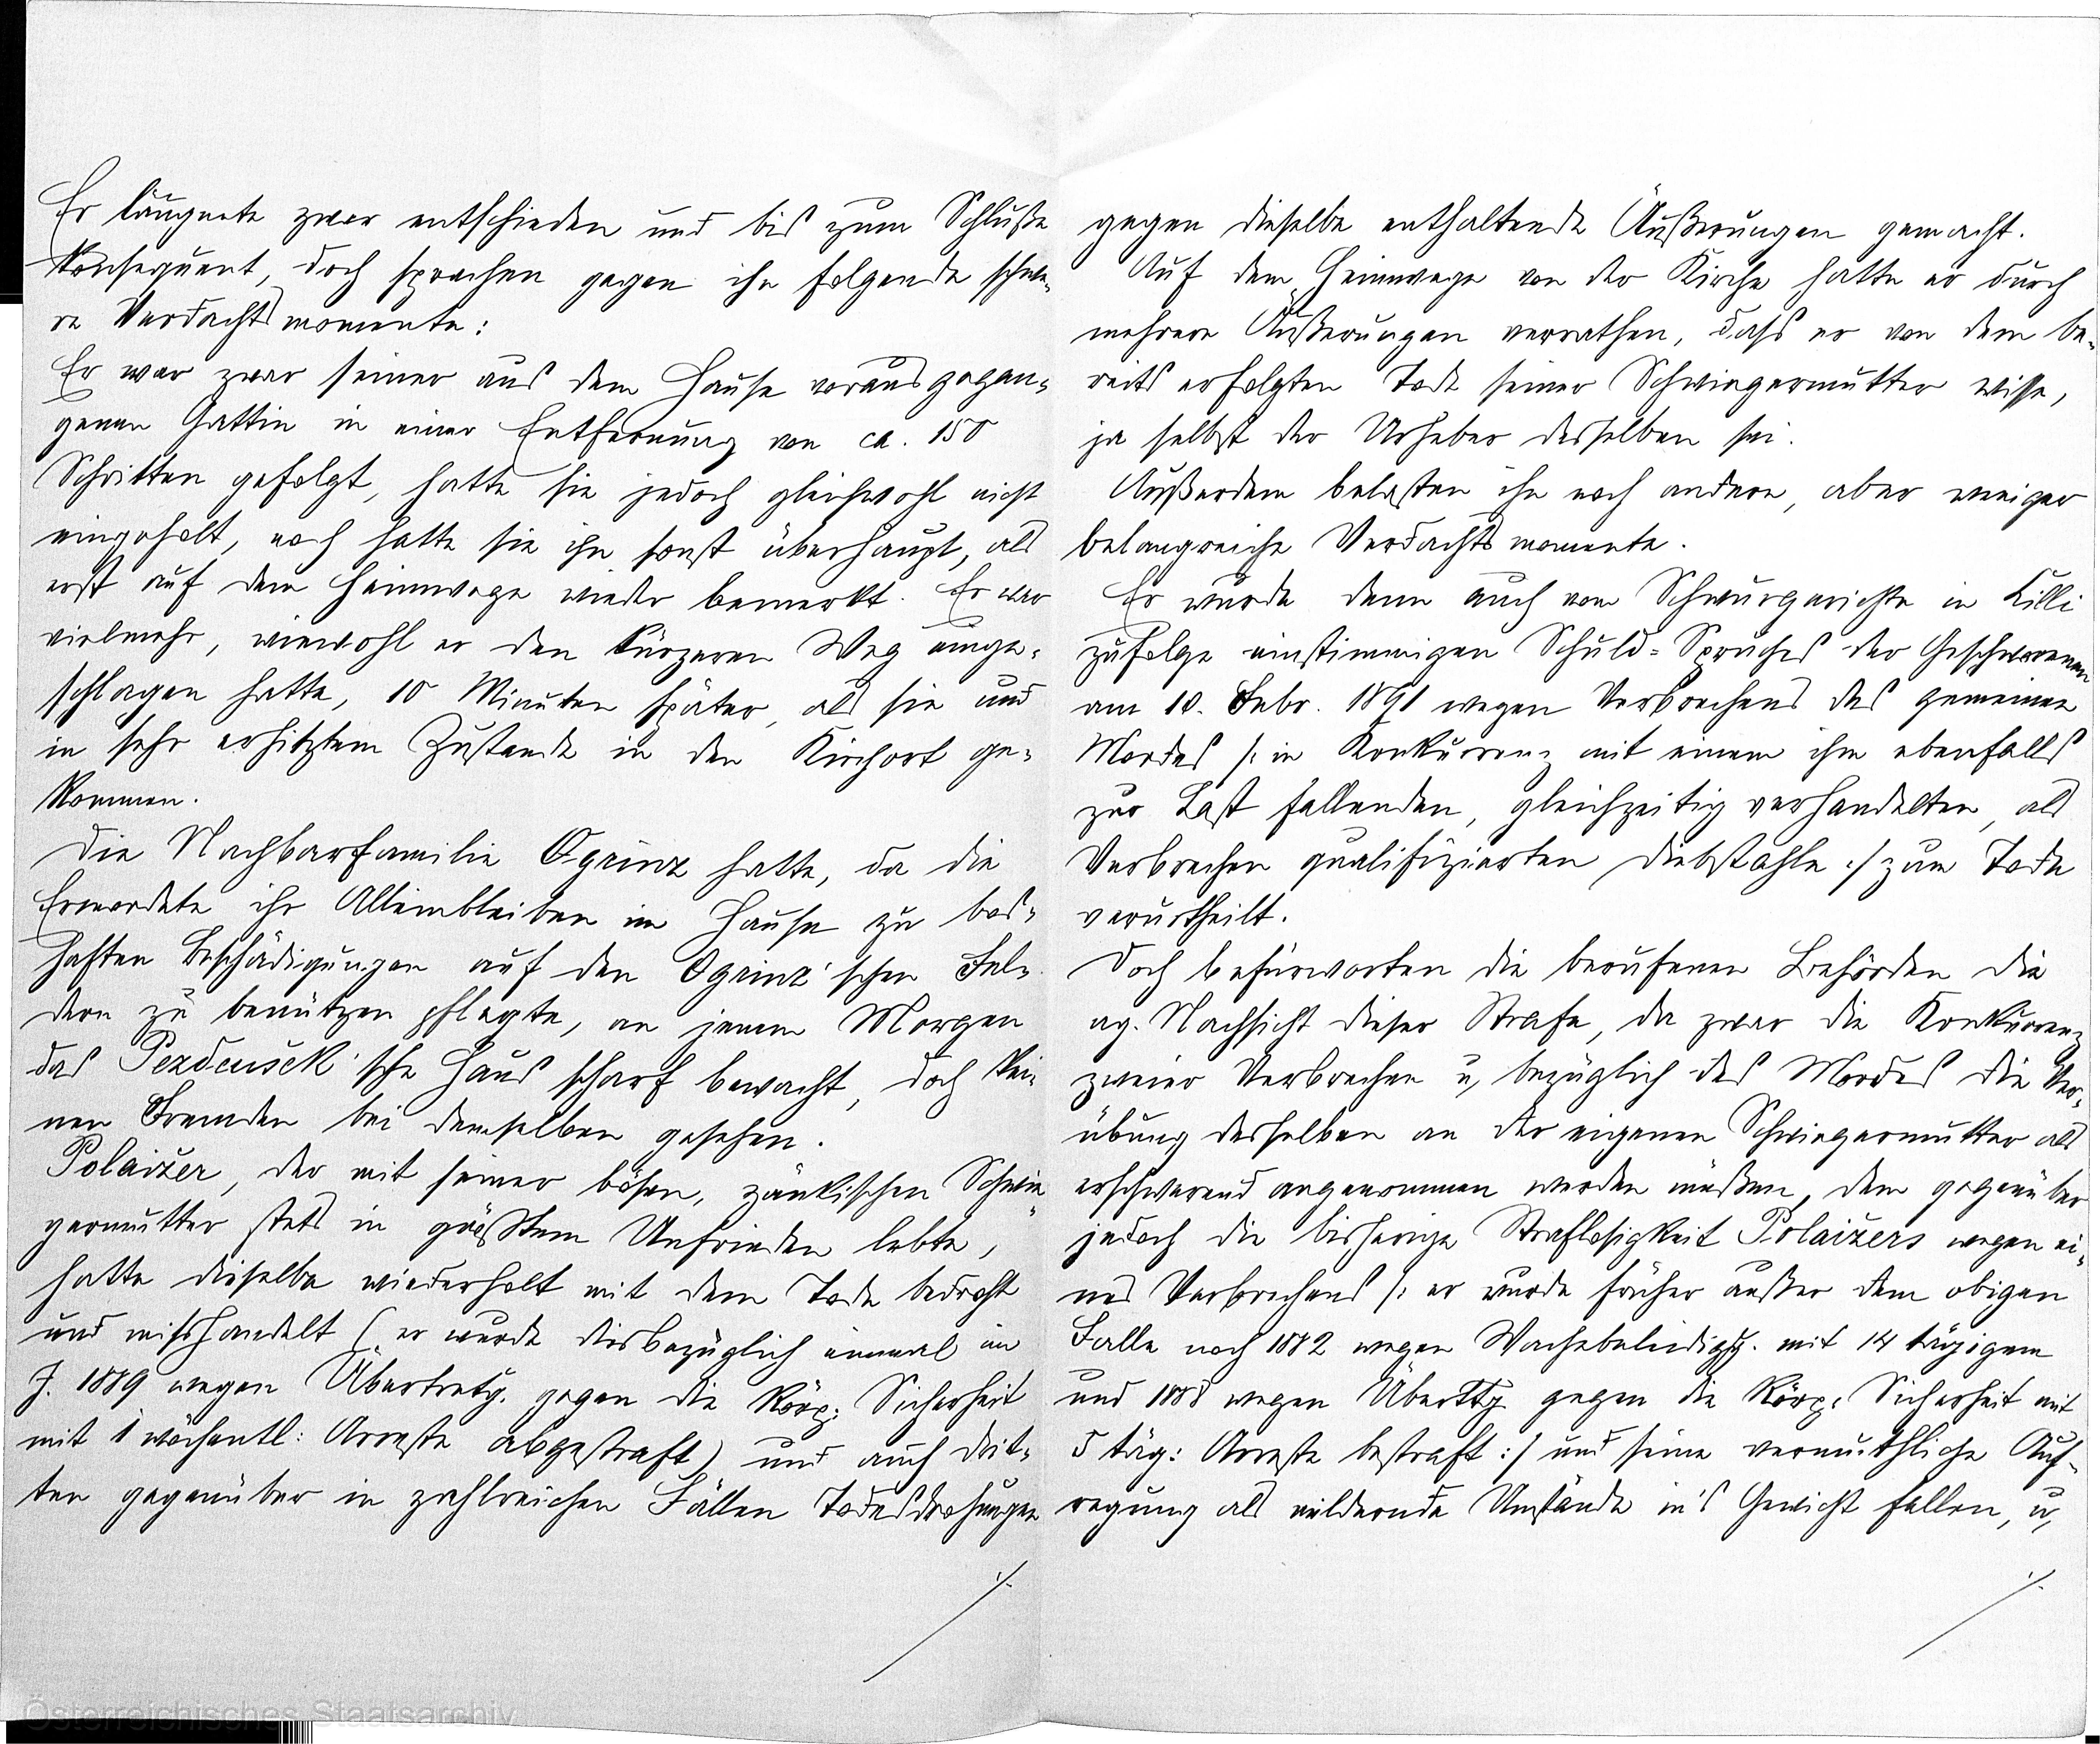Er läugnete zwar entschieden und bis zum Schluße
konsequent, doch sprachen gegen ihn folgende schwe¬
re Verdachtsmomente:
Er war zwar seiner aus dem Hause voraus gegan¬
genen Gattin in einer Entfernung von ca 150
Schritten gefolgt, hatte sie jedoch gleichwohl nicht
eingeholt, noch hatte sie ihn sonst überhaupt, als
erst auf dem Heimwege wieder bemerkt. Er war
vielmehr, wiewohl er den kürzen Weg einge¬
schlagen hatte, 10 Minuten später, als sie und
in sehr erhitzten Zustande in den Kirchort ge¬
kommen.
Die Nachbarfamilie Ogrinz hatte, da die
Ermordete ihr Alleinbleiben im Hause zu bos¬
haften Beschädigungen auf den Ogrinz’schen Fel¬
den zu benützen pflegte, an jenem Morgen
das Pezdeušek’sche Haus scharf bewacht, doch kei¬
nen Fremden bei demselben gesehen.
Polaižer, der mit seiner bösen, zänkischen Schwie¬
germutter stets in größtem Unfrieden lebte,
hatte dieselbe wiederholt mit dem Tode bedroht
und mißhandelt (er wurde diesbezüglich einmal im
J. 1889 wegen Übertretg gegen die körp. Sicherheit
mit 1 wöchentl. Arreste abgestraft) und auch drit¬
ten gegenüber in zahlreichen Fällen Todesdrohungen
gegen dieselbe enthaltende Äußerungen gemacht.
Auf dem Heimwege von der Kirche hatte er durch
mehrere Äußerungen verrathen, daß es von dem be¬
reits erfolgten Tode seiner Schwiegermutter wisse,
ja selbst der Urheber desselben sei:
Außerdem belasten ihn noch andere, aber weniger
belangsreiche Verdachtsmomente.
Er wurde denn auch vom Schwurgerichte in Čilli
zufolge einstimmigen Schuld-Spruches der Geschworenen
am 10. Febr. 1891 wegen Verbrechens des gemeinen
Mordes (in Konkurrenz mit einem ihn ebenfalls
zur Last fallenden, gleichzeitig verhandelten, als
Verbrechen qualifizierten Diebstahle) zum Tode
verurtheilt.
Doch beürworten die berufenen Behörden die
ag. Nachsicht dieser Strafe, da zwar die Konkurrenz
zweier Verbrechen u. bezüglich des Mordes die Ver¬
übung desselben an die eigenen Schwiegermutter als
erschwerend angenommen werden müßen, den gegenüber
jedoch die bisherige Straflosigkeit Polaižers wegen ei¬
nes Verbrechens (er wurde früher außer dem obigen
Falle noch 1882 wegen Wachebeleidigung imt 14 tägigen
und 1888 wegen Überttg gegen die Körp. Sicherheit mit
5 täg. Arreste bestraft) und seine vermuthliche Auf¬
regung als mildernde Umstände in’s Gewicht fallen, u.